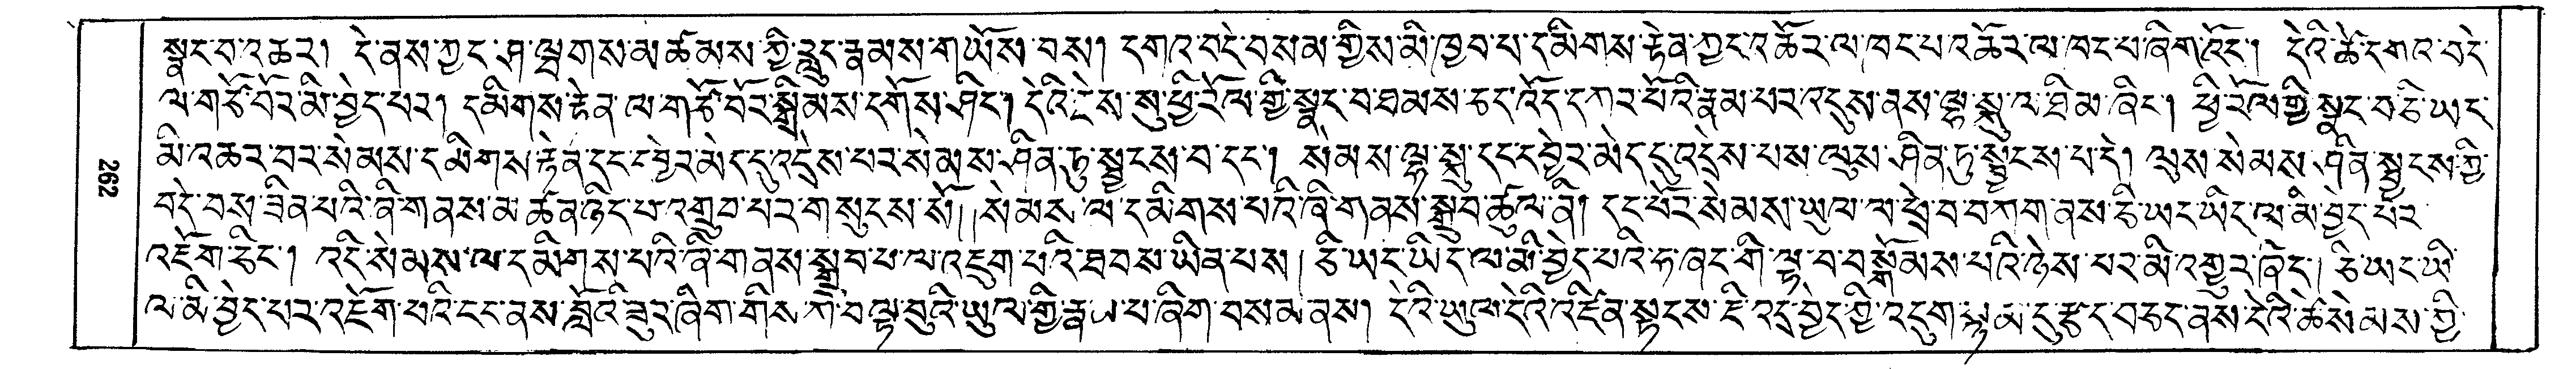སྣང་བ་འཆར། དེ་ནས་ཀྱང་ཤ་ལྤགས་མཚམས་ཀྱི་རླུང་རྣམས་གཡོས་པས། དགའ་བདེ་བསམ་གྱིས་མི་ཁྱབ་པ་དམིགས་རྟེན་ཀྱང་འཆོར་ལ་ཁད་པ་འཆོར་ལ་ཁང་པ་ཞིག་འོང་། དེའི་ཚེ་དགའ་བདེ་
ལ་གཙོ་བོར་མི་བྱེད་པར། དམིགས་རྟེན་ལ་གཙོ་བོར་སྒྲིམས་དགོས་ཤིང་། དེའི་རྗེས་སུ་ཕྱི་རོལ་གྱི་སྣང་བ་ཐམས་ཅད་འོད་དཀར་པོའི་རྣམ་པར་འདུས་ནས་ལྷ་སྐུ་ལ་ཐིམ་ཞིང་། ཕྱི་རོལ་གྱི་སྣང་བ་ཅི་ཡང་
མི་འཆར་བར་སེམས་དམིགས་རྟེན་དང་དབྱེར་མེད་དུ་འདྲེས་པར་སེམས་ཤིན་ཏུ་སྦྱངས་བ་དང་། སེམས་ལྷ་སྐུ་དང་དབྱེར་མེད་དུ་འདྲེས་པས་ལུས་ཤིན་ཏུ་སྦྱངས་པ་དེ། ལུས་སེམས་ཤིན་སྦྱངས་ཀྱི་
བདེ་བས་ཟིན་པའི་ཞི་གནས་མཚན་ཉིད་པ་འགྲུབ་པར་གསུངས་སོ། །སེམས་ལ་དམིགས་པའི་ཞི་གནས་སྒྲུབ་ཚུལ་ནི། དང་པོར་སེམས་ཡུལ་ལ་ཕྲོ་བ་བཀག་ནས་ཅི་ཡང་ཡིད་ལ་མི་བྱེད་པར་
འཇོག་ཅིང་། འདི་སེམས་ལ་དམིགས་པའི་ཞི་གནས་སྒྲུབ་པ་ལ་འཇུག་པའི་ཐབས་ཡིན་པས། ཅི་ཡང་ཡིད་ལ་མི་བྱེད་པའི་ཧ་ཞང་གི་ལྟ་བ་བསྒོམས་པའི་ཉེས་པར་མི་འགྱུར་ཞིང་། ཅི་ཡང་ཡིད་
ལ་མི་བྱེད་པར་འཇོག་པའི་ངང་ནས་བློའི་ཟུར་ཞིག་གིས་ཀ་བལྟ་བུའི་ཡུལ་གྱི་རྣམ་པ་ཞིག་བསམ་ནས། དེའི་ཡུལ་དེའི་འཛིན་སྟངས་ཇི་འདྲ་བྱེད་ཀྱི་འདུག་སྙམ་དུ་རྩད་བཅད་ནས་དེའི་ཚེ་སེམས་ཀྱི་